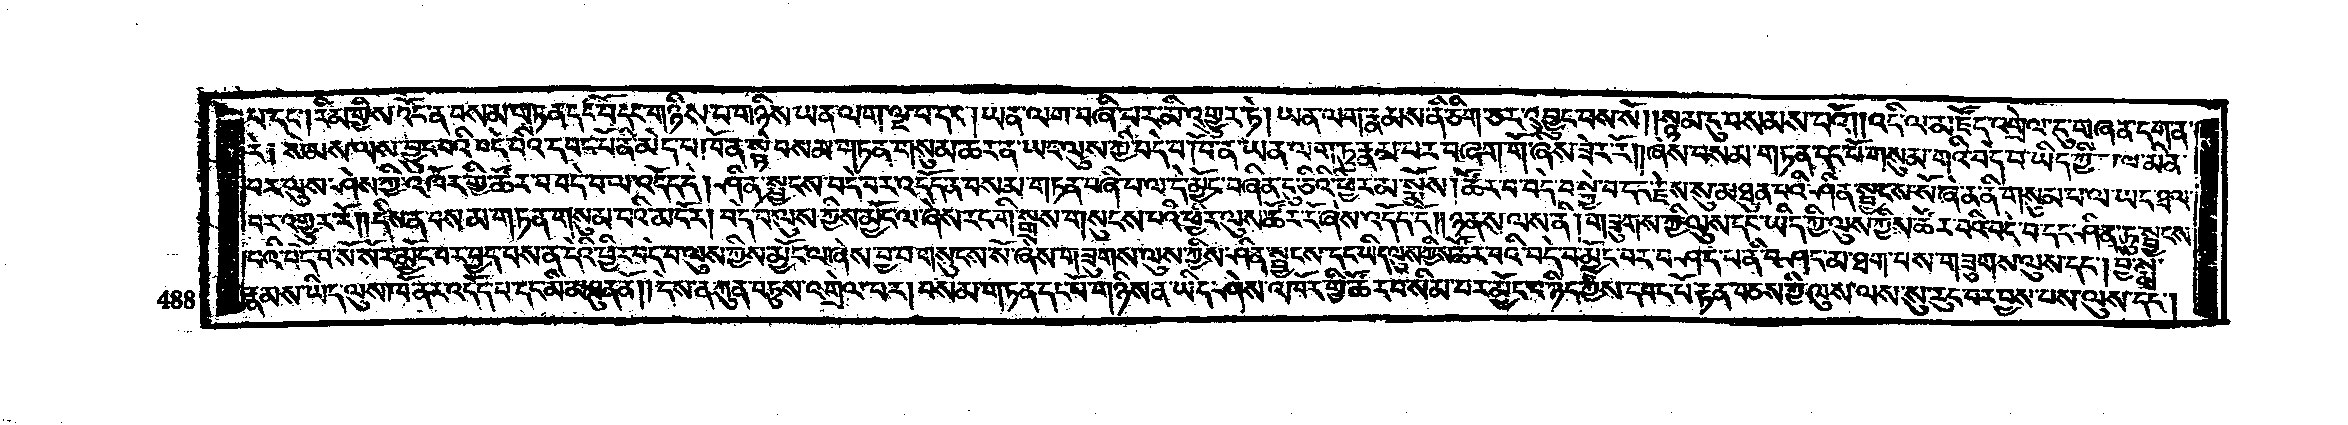པ་དང་། རིམ་གྱིས་འོང་ན་བསམ་གཏན་དང་པོ་དང་གཉིས་པ་གཉིས་ཡན་ལག་ལྔ་པ་དང་། ཡན་ལག་བཞི་པར་མི་འགྱུར་ཏེ། ཡན་ལག་རྣམས་ནི་ཅིག་ཅར་འབྱུང་བས་སོ། །སྙམ་དུ་བསམས་པའོ། །འདི་ལ་མཛོད་འགྲེལ་དུ་གཞན་དག་ན་
རེ། སེམས་ལས་བྱུང་བའི་བདེ་བའི་དབང་པོ་ནི་མེད་པ་ཁོ་ན་སྟེ་བསམ་གཏན་གསུམ་ཆར་ན་ཡང་ལུས་ཀྱི་བདེ་བ་ཁོ་ན་ཡན་ལག་ཏུ་རྣམ་པར་བཞག་གོ་ཞེས་ཟེར་རོ། །ཞེས་བསམ་གཏན་དང་པོ་གསུམ་གའི་བདེ་བ་ཡིད་ཀྱི་པ་ལ་མིན་
པར་ལུས་ཤེས་ཀྱི་འཁོར་གྱི་ཚོར་བ་བདེ་བ་ལ་འདོད་དེ། ཤིན་སྦྱངས་བདེ་བར་འདོད་ན་བསམ་གཏན་བཞི་པ་ལ་དེ་མྱོང་བཞིན་དུ་ཅིའི་ཕྱིར་མ་སྨོས། ཚོར་བ་བདེ་བ་སྐྱེ་བ་དང་རྗེས་སུ་མཐུན་པའི་ཤིན་སྦྱངས་སོ་ཞེ་ན་ནི་གསུམ་པ་ལ་ཡང་ཐལ་
བར་འགྱུར་རོ། །དེས་ན་བསམ་གཏན་གསུམ་པའི་མདོར། བདེ་བ་ལུས་ཀྱིས་མྱོང་ལ་ཞེས་རང་གི་སྒྲས་གསུངས་པའི་ཕྱིར་ལུས་ཚོར་རོ་ཞེས་འདོད་དོ། །ཉན་ས་ལས་ནི། གཟུགས་ཀྱི་ལུས་དང་ཡིད་ཀྱི་ལུས་ཀྱིས་ཚོར་བའི་བདེ་བ་དང་ཤིན་ཏུ་སྦྱངས་
པའི་བདེ་བ་སོ་སོར་མྱོང་བར་བྱད་པས་ན་དེའི་ཕྱིར་བདེ་བ་ལུས་ཀྱིས་མྱོང་ལ་ཞེས་བྱ་བ་གསུངས་སོ་ཞེས་གཟུགས་ལུས་ཀྱིས་ཤིན་སྦྱངས་དང་ཡིད་ལུས་ཀྱིས་ཚོར་བའི་བདེ་བ་མྱོང་བར་བཤད་པ་ནི་བཤད་མ་ཐག་པས་གཟུགས་ལུས་དང་། བྱེ་སྨྲ་
རྣམས་ཡིད་ལུས་ཁོ་ནར་འདོད་པ་དང་མི་མཐུན་ནོ། །དེས་ན་ཀུན་བཏུས་འགྲེལ་པར། བསམ་གཏན་དང་པོ་གཉིས་ན་ཡིད་ཤེས་འཁོར་གྱི་ཚོར་བ་སིམ་པར་མྱོང་བ་ཉིད་ཀྱིས་དབང་པོ་རྟན་བཅས་ཀྱི་ལུས་ལས་སུ་རུང་བར་བྱས་པས་ལུས་དང་།